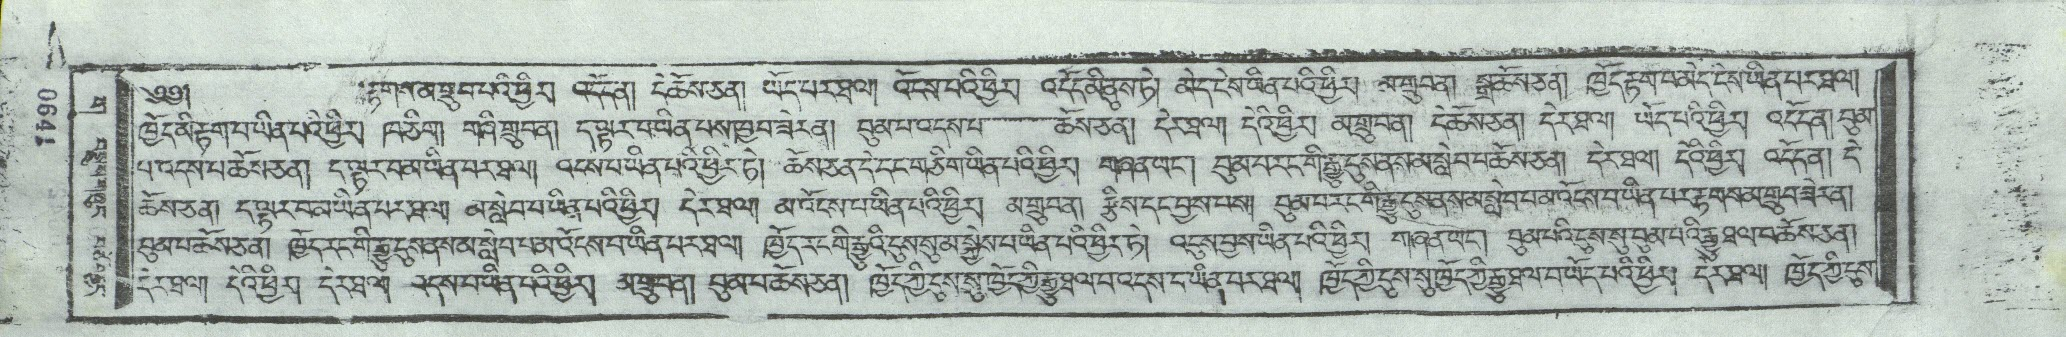༄༅། །རྟགས་མ་གྲུབ་པའི་ཕྱིར། འདོད་ན། དེ་ཆོས་ཅན། ཡོད་པར་ཐལ། འོངས་བའི་ཕྱིར། འདོད་མི་ནུས་ཏེ། མེད་ངེས་ཡིན་པའི་ཕྱིར། མ་གྲུབ་ན། སྒྲ་ཆོས་ཅན། ཁྱོད་རྟག་པ་མེད་ངེས་ཡིན་པར་ཐལ།
ཁྱོད་མི་རྟག་པ་ཡིན་པའི་ཕྱིར། ཁ་ཅིག། གཞི་གྲུབ་ན། ད་ལྟར་བ་ཡིན་པས་ཁྱབ་ཟེར་ན། བུམ་པ་འདས་པ་ཆོས་ཅན། དེར་ཐལ། དེའི་ཕྱིར། མ་གྲུབ་ན། དེ་ཆོས་ཅན། དེར་ཐལ། ཡོད་པའི་ཕྱིར། འདོད་ན། བུམ་
པ་འདས་པ་ཆོས་ཅན། ད་ལྟར་བ་མ་ཡིན་པར་ཐལ། འདས་པ་ཡིན་པའི་ཕྱིར་ཏེ། ཆོས་ཅན་དེ་དང་གཅིག་ཡིན་པའི་ཕྱིར། གཞན་ཡང་། བུམ་པ་རང་གི་རྒྱུ་དུས་ནས་མ་སླེབ་པ་ཆོས་ཅན། དེར་ཐལ། དེའི་ཕྱིར། འདོད་ན། དེ་
ཆོས་ཅན། ད་ལྟར་བ་མ་ཡིན་པར་ཐལ། མ་སླེབ་པ་ཡིན་པའི་ཕྱིར། དེར་ཐལ། མ་འོངས་པ་ཡིན་པའི་ཕྱིར། མ་གྲུབ་ན། རྩིས་དང་བྱས་པས། བུམ་པ་རང་གི་རྒྱུ་དུས་ནས་མ་སླེབ་པ་མ་འོངས་པ་ཡིན་པར་རྟགས་མ་གྲུབ་ཟེར་ན།
བུམ་པ་ཆོས་ཅན། ཁྱོད་རང་གི་རྒྱུ་དུས་ནས་མ་སླེབ་པ་མ་འོངས་པ་ཡིན་པར་ཐལ། ཁྱོད་རང་གི་རྒྱུའི་དུས་སུ་མ་སྐྱེས་པ་ཡིན་པའི་ཕྱིར་ཏེ། འདུས་བྱས་ཡིན་པའི་ཕྱིར། གཞན་ཡང་། བུམ་པའི་དུས་སུ་བུམ་པའི་རྒྱུ་ཐལ་བ་ཆོས་ཅན།
དེར་ཐལ། དེའི་ཕྱིར། དེར་ཐལ། འདས་པ་ཡིན་པའི་ཕྱིར། མ་གྲུབ་ན། བུམ་པ་ཆོས་ཅན། ཁྱོད་ཀྱི་དུས་སུ་ཁྱོད་ཀྱི་རྒྱུ་ཐལ་བ་འདས་པ་ཡིན་པར་ཐལ། ཁྱོད་ཀྱི་དུས་སུ་ཁྱོད་ཀྱི་རྒྱུ་ཐལ་བ་ཡོད་པའི་ཕྱིར། དེར་ཐལ། ཁྱོད་ཀྱི་དུས་